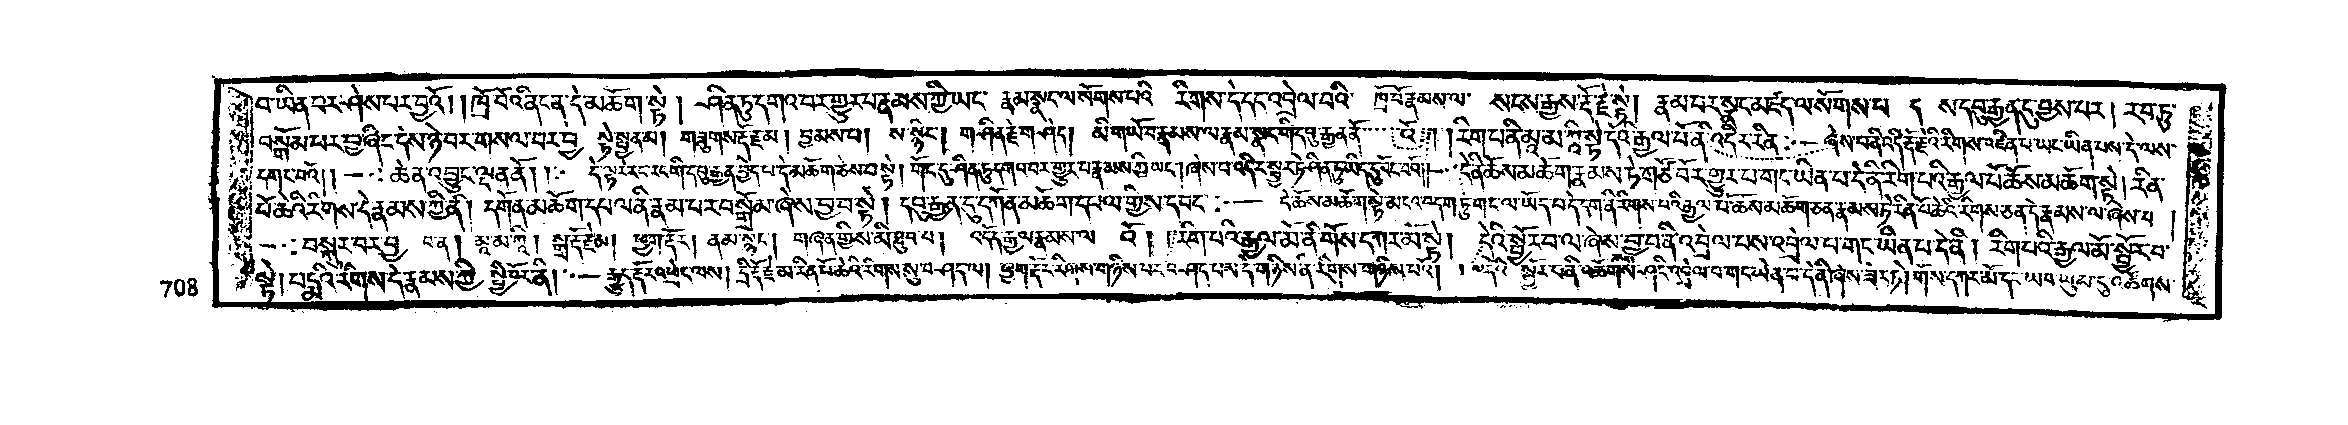བ་ཡིན་པར་ཤེས་པར་བྱའོ། །ཁྲོ་བའི་ནང་ན་དེ་མཆོག་སྟེ། ཤིན་ཏུ་དགའ་བར་གྱུར་པ་རྣམས་ཀྱི་ཡང་རྣམ་སྣང་ལ་སོགས་པའི་རིགས་དེ་དང་འབྲེལ་བའི་ཁྲོ་བོ་རྣམས་ལ་སངས་རྒྱས་རྡོ་རྗེ་སྟེ། རྣམ་པར་སྣང་མཛད་ལ་སོགས་པ་ད་ས་དབུ་རྒྱན་དུ་བྱས་པར། རབ་ཏུ་
བསྒོམ་པར་བྱ་ཞིང་དེས་ཉེ་བར་གསལ་བར་བ་སྟེ་སྤྱན་མ། གཟུགས་རྡོ་རྗེ་མ། བྱམས་པ། སེ་སྙིང་། གཤིན་རྗེ་གཤེད། མི་གཡོ་བ་རྣམས་ལ་རྣམ་སྣང་གི་དབུ་རྒྱན་ནོ་འོ། །རིག་པ་ནི་མཱ་མ་ཀཱི་སྟེ་དེའི་རྒྱལ་པོ་ནི་འདིར་རིན་H.་ཞེས་པ་ནི་འདི་རྡོ་རྗེའི་རིགས་འཛིན་པ་ཡང་ཡིན་པས་དེ་ལས་
དགར་བའོ། ། .H ཆེན་འབྱུང་ལྡན་ནོ། །H.་དེ་ལྟར་རང་རང་གི་དབུ་རྒྱན་བྱེད་པ་དེ་མཆོག་ཅེས་བྱ་སྟེ། གོང་དུ་ཤིན་ཏུ་དགའ་བར་གྱུར་པ་རྣམས་ཀྱི་ཡང་། ཞེས་པ་འདིར་སྦྱར་ཏེ་ཤིན་ཏུ་ཡིད་དུ་འོང་བའོ།། དེ་ནི་ཆོས་མཆོག་རྣམས་ཏེ་གཙོ་བོར་གྱུར་པ་གང་ཡིན་པ་དེ་ནི་རིག་པའི་རྒྱལ་པོ་ཆོས་མཆོག་སྟེ། རིན་
པོ་ཆེའི་རིགས་དེ་རྣམས་ཀྱི་ནི། དཀོན་མཆོག་དཔལ་ནི་རྣམ་པར་བསྒོམ་ཞེས་བྱ་བ་སྟེ། དབུ་རྒྱན་དུ་དཀོན་མཆོག་དཔལ་གྱིས་དབང་H.་དེ་ཆོས་མཆོག་སྟ་མངའ་བདག་ཏུ་གང་ལ་ཡོད་པ་དེ་དག་ནི་རིགས་པའི་རྒྱལ་པོ་ཆོས་མཆོག་ཅན་རྣམས་ཏེ་རིན་པོ་ཆེའི་རིགས་ཅན་དེ་རྣམས་ལ་ཞེས་པ་ཚབ་ཟེར།
.H བསྐུར་བར་བྱ་བ་ན། མཱ་མ་ཀཱི། སྒྲ་རྡོ་རྗེ་མ། ཕྱག་རྡོར། ནམ་སྙིང་། གཞན་གྱིས་མི་ཐུབ་པ། འདོད་རྒྱལ་རྣམས་ལ་འོ། །རིག་པའི་རྒྱལ་མོ་ནི་གོས་དཀར་མོ་སྟེ། དེའི་སྦྱོར་བ་ལ་ཞེས་བྱ་བ་ནི་འབྲེལ་པས་འབྲེལ་པ་གང་ཡིན་པ་དེ་ནི། རིག་པའི་རྒྱལ་མོ་སྦྱོར་བ་
སྟེ། པདམའི་རིགས་དེ་རྣམས་ཀྱི་སྤྱི་བོར་ནི། H.་རྒྱུད་རྡོར་འཕྲེང་ལས། དྲི་རྡོ་རྗེ་མ་རིན་པོ་ཆེའི་རིགས་སུ་བཤད་ལ། ཕྱག་རྡོར་རིགས་གཉིས་པར་བཤད་པས་དེ་གཉིས་ནི་རིགས་གཉིས་པའོ། །༧དེའི་སྦྱོར་བ་ནི་འཚོགས་ཆག་ཤིང་འབྲེལ་བ་གང་ཡིན་པ་དེ་ནི་ཞེས་ཟེར་ཏེ། གོས་དཀར་མོ་དང་ཡབ་ཡུམ་དུ་འཚོགས་